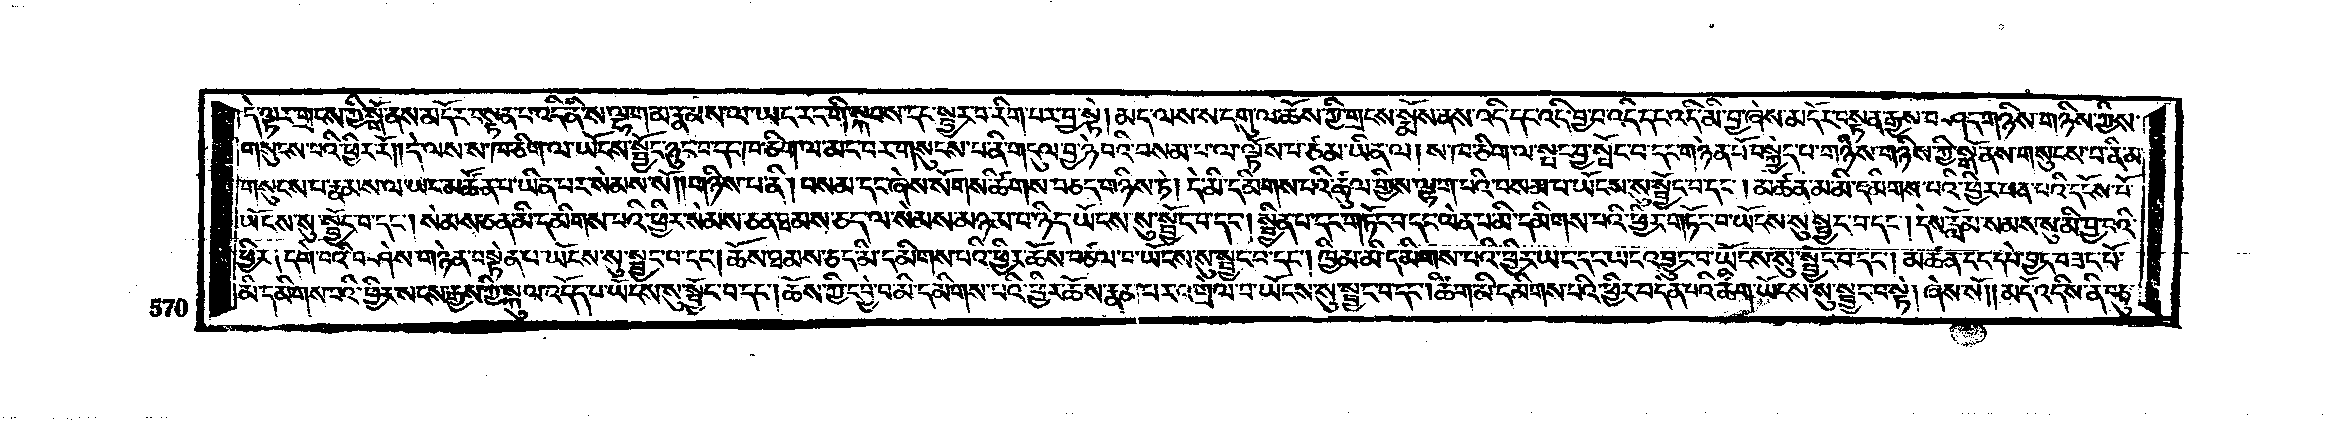དེ་ལྟར་གྲངས་ཀྱི་སྒོ་ནས་མདོར་བསྟན་པ་འདི་ནི་ས་ལྷག་མ་རྣམས་ལ་ཡང་རང་གི་སྐབས་དང་སྦྱར་བ་རིག་པར་བྱ་སྟེ། མདོ་ལས་ས་དགུ་ལ་ཆོས་ཀྱི་གྲངས་སྨོས་ནས་འདི་དང་འདི་བྱ་བ་འདི་མི་བྱ་ཞེས་མདོར་བསྟན་རྒྱས་བཤད་གཉིས་གཉིས་ཀྱིས་
གསུངས་པའི་ཕྱིར་རོ། །དེ་ལས་ས་ཁ་ཅིག་ལ་ཡོངས་སྦྱོང་ཉུང་བ་དང་ཁ་ཅིག་ལ་མང་བར་གསུངས་པ་ནི་གདུལ་བྱ་ཉེ་བའི་བསམ་པ་ལ་ལྟོས་པ་ཙམ་ཡིན་ལ། ས་ཁ་ཅིག་ལ་སྤང་བྱ་སྤོང་བ་དང་གཉེན་པོ་བསྐྱེད་པ་གཉིས་གཉིས་ཀྱི་སྒོ་ནས་གསུངས་པ་ནི་མ་
གསུངས་པ་རྣམས་ལ་ཡང་མཚོན་པ་ཡིན་པར་སེམས་སོ། །གཉིས་པ་ནི། བསམ་དང་ཞེས་སོགས་ཚིགས་བཅད་གཉིས་ཏེ། དེ་མི་དམིགས་པའི་ཚུལ་གྱིས་ལྷག་པའི་བསམ་པ་ཡོངས་སུ་སྦྱོང་བ་དང་། མཚན་མ་མི་དམིགས་པའི་ཕྱིར་ཕན་པའི་དངོས་པོ་
ཡོངས་སུ་སྦྱོང་བ་དང་། སེམས་ཅན་མི་དམིགས་པའི་ཕྱིར་སེམས་ཅན་ཐམས་ཅད་ལ་སེམས་མཉམ་པ་ཉིད་ཡོངས་སུ་སྦྱོང་བ་དང་། སྦྱིན་པ་དང་གཏོང་བ་དང་ལེན་པ་མི་དམིགས་པའི་ཕྱིར་གཏོང་བ་ཡོངས་སུ་སྦྱང་བ་དང་། དེས་རློམ་སེམས་སུ་མི་བྱ་བའི་
ཕྱིར། དགེ་བའི་བཤེས་གཉེན་བསྟེན་པ་ཡོངས་སུ་སྦྱང་བ་དང་། ཆོས་ཐམས་ཅད་མི་དམིགས་པའི་ཕྱིར་ཆོས་བཙལ་བ་ཡོངས་སུ་སྦྱང་བ་དང་། ཁྱིམ་མི་དམིགས་པའི་ཕྱིར་ཡང་དང་ཡང་འབྱུང་བ་ཡོངས་སུ་སྦྱོང་བ་དང་། མཚན་དང་དཔེ་བྱད་བཟང་པོ་
མི་དམིགས་པའི་ཕྱིར་སངས་རྒྱས་ཀྱི་སྐུ་ལ་འདོད་པ་ཡོངས་སུ་སྦྱོང་བ་དང་། ཆོས་ཀྱི་དབྱེ་བ་མི་དམིགས་པའི་ཕྱིར་ཆོས་རྣམ་པར་འགྲེལ་བ་ཡོངས་སུ་སྦྱང་བ་དང་། ཚིག་མི་དམིགས་པའི་ཕྱིར་བདེན་པའི་ཚིག་ཡོངས་སུ་སྦྱང་བ་སྟེ། ཞེས་སོ། །མདོ་འདིས་ནི་བཅུ་